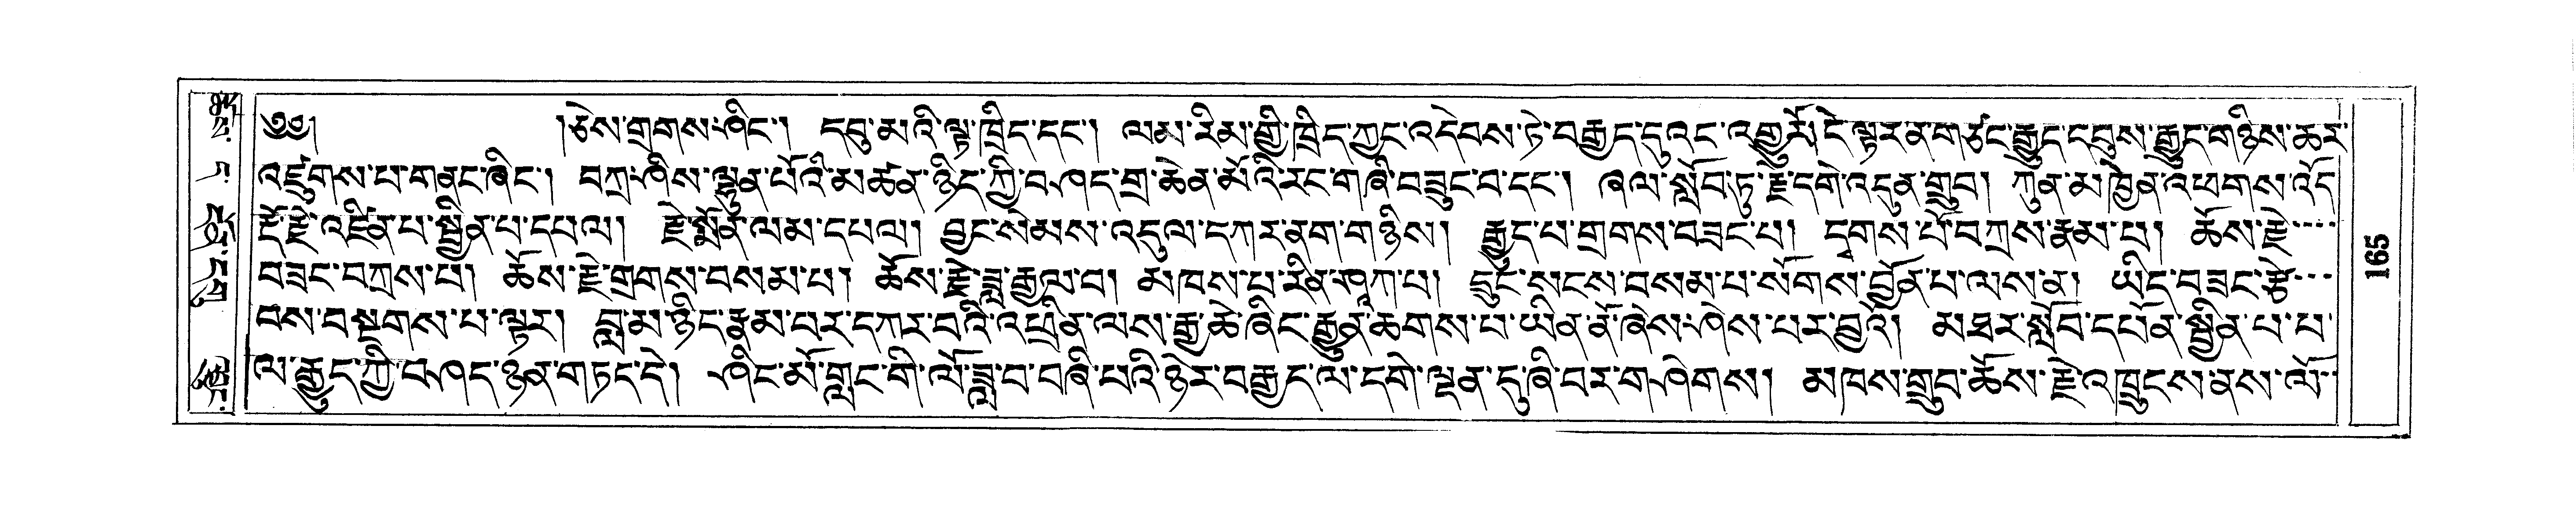༄༅། །ཅེས་གྲགས་ཤིང་། དབུ་མའི་ལྟ་ཁྲིད་དང་། ལམ་རིམ་གྱི་ཁྲིད་ཀྱང་འདེབས་ཏེ་བརྒྱད་དུ་འང་འགྱུ་རོ། དེ་ལྟར་ན་གཙང་རྒྱུད་དབུས་རྒྱུད་གཉིས་ཆར་
འཛུགས་པ་གནང་ཞིང་། བཀྲ་ཤིས་ལྷུན་པོའི་མཚན་ཉིད་ཀྱི་བཤད་གྲ་ཆེན་མོའི་རང་གཞི་བཟུང་བ་དང་། ཞལ་སློབ་ཏུ་རྗེ་དགེ་འདུན་གྲུབ། ཀུན་མཁྱེན་འཕགས་འོད་
རྡོ་རྗེ་འཛིན་པ་སྦྱིན་པ་དཔལ། རྗེ་སྨོན་ལམ་དཔལ། བྱང་སེམས་འདུལ་དཀར་ནག་གཉིས། རྒྱུད་པ་གྲགས་བཟང་པ། དྭགས་པོ་བཀྲས་རྣམ་པ། ཆོས་རྗེ་
བཟང་བཀྲས་པ། ཆོས་རྗེ་གྲགས་བསམ་པ། ཆོས་རྗེ་ཟླ་རྒྱལ་བ། མཁས་པ་རིན་ཤཱ་ཀ་པ། དྲུང་སངས་བསམ་པ་སོགས་བྱོན་པ་ལས་ན། ཡིད་བཟང་རྩེ་
བས་བསྔགས་པ་ལྟར། བླ་མ་ཉིད་རྣམ་པར་དཀར་བའི་འཕྲིན་ལས་རྒྱ་ཆེ་ཞིང་རྒྱུན་ཆགས་པ་ཡིན་ནོ་ཞེས་ཤེས་པར་བྱའོ། མཐར་སློབ་དཔོན་སྦྱིན་པ་པ་
ལ་རྒྱུད་ཀྱི་བཤད་ཉན་གཏད་དེ། ཤིང་མོ་གླང་གི་ལོ་ཟླ་བ་བཞི་པའི་ཉེར་བརྒྱད་ལ་དགེ་ལྡན་དུ་ཞི་བར་གཤེགས། མཁས་གྲུབ་ཆོས་རྗེ་འཁྲུངས་ནས་ལོ་